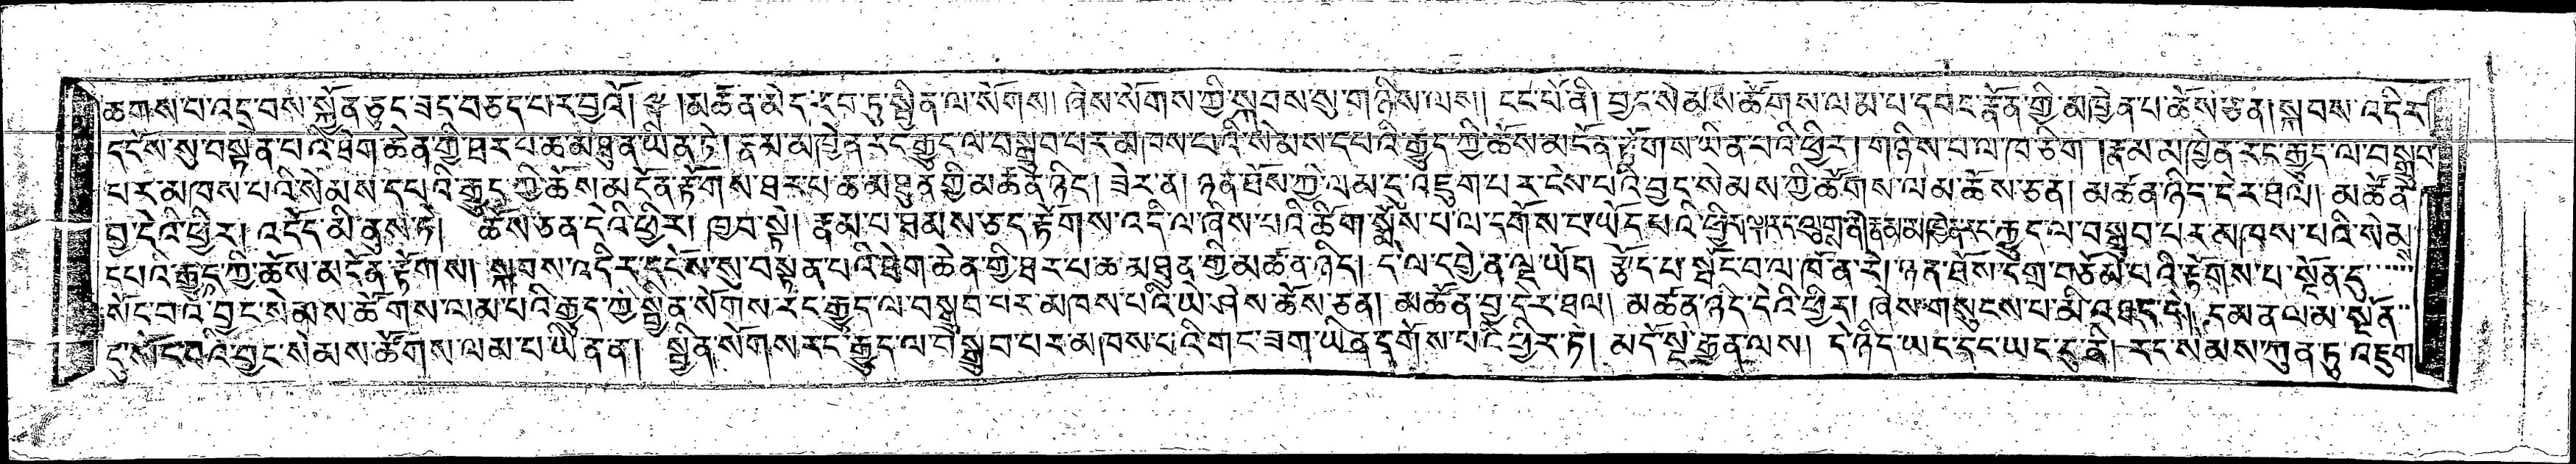ཆགས་པ་འདྲ་བས་སྐྱོན་ཅུང་ཟད་བཅད་པར་བྱའོ། ༈ །མཚན་མེད་རབ་ཏུ་སྦྱིན་ལ་སོགས། ཞེས་སོགས་ཀྱི་སྐབས་སུ་གཉིས་ལས། དང་པོ་ནི། བྱང་སེམས་ཚོགས་ལམ་པ་དབང་རྣོན་གྱི་མཁྱེན་པ་ཆོས་ཅན། སྐབས་འདིར་
དངོས་སུ་བསྟན་པའི་ཐེག་ཆེན་གྱི་ཐར་པ་ཆ་མཐུན་ཡིན་ཏེ། རྣམ་མཁྱེན་རང་རྒྱུད་ལ་བསྒྲུབ་པར་མཁས་པའི་སེམས་དཔའི་རྒྱུད་ཀྱི་ཆོས་མངོན་རྟོགས་ཡིན་པའི་ཕྱིར། གཉིས་པ་ལ་ཁ་ཅིག །རྣམ་མཁྱེན་རང་རྒྱུད་ལ་བསྒྲུབ་
པར་མཁས་པའི་སེམས་དཔའི་རྒྱུད་ཀྱི་ཆོས་མངོན་རྟོགས་ཐར་པ་ཆ་མཐུན་གྱི་མཚན་ཉིད། ཟེར་ན། ཉན་ཐོས་ཀྱི་ལམ་དུ་འཇུག་པར་ངེས་པའི་བྱང་སེམས་ཀྱི་ཚོགས་ལམ་ཆོས་ཅན། མཚན་ཉིད་དེར་ཐལ། མཚོན་
བྱ་དེའི་ཕྱིར། འདོད་མི་ནུས་ཏེ། ཆོས་ཅན་དེའི་ཕྱིར། ཁྱབ་སྟེ། རྣམ་པ་ཐམས་ཅད་རྟོགས་འདི་ལ་ཞེས་པའི་ཚིག་སྨོས་པ་ལ་དགོས་པ་ཡོད་པའི་ཕྱིར། ༈ །རང་ལུགས་ནི། རྣམ་མཁྱེན་རང་རྒྱུད་ལ་བསྒྲུབ་པར་མཁས་པའི་སེམས་
དཔའི་རྒྱུད་ཀྱི་ཆོས་མངོན་རྟོགས། སྐབས་འདིར་དངོས་སུ་བསྟན་པའི་ཐེག་ཆེན་གྱི་ཐར་པ་ཆ་མཐུན་གྱི་མཚན་ཉིད། དེ་ལ་དབྱེ་ན་ལྔ་ཡོད། རྩོད་པ་སྤོང་བ་ལ་ཁོ་ན་རེ། ཉན་ཐོས་དགྲ་བཅོམ་པའི་རྟོགས་པ་སྔོན་དུ་
སོང་བའི་བྱང་སེམས་ཚོགས་ལམ་པའི་རྒྱུད་ཀྱི་སྦྱིན་སོགས་རང་རྒྱུད་ལ་བསྒྲུབ་པར་མཁས་པའི་ཡེ་ཤེས་ཆོས་ཅན། མཚོན་བྱ་དེར་ཐལ། མཚན་ཉིད་དེའི་ཕྱིར། ཞེས་གསུངས་པ་མི་འཐད་དེ། དམན་ལམ་སྔོན་
དུ་སོང་བའི་བྱང་སེམས་ཚོགས་ལམ་པ་ཡིན་ན། སྦྱིན་སོགས་རང་རྒྱུད་ལ་བསྒྲུབ་པར་མཁས་པའི་གང་ཟག་མ་ཡིན་དགོས་པའི་ཕྱིར་ཏེ། མདོ་སྡེ་རྒྱན་ལས། དེ་ཉིད་ཡང་དང་ཡང་དུ་ནི། རང་སེམས་ཀུན་ཏུ་འཇུག་